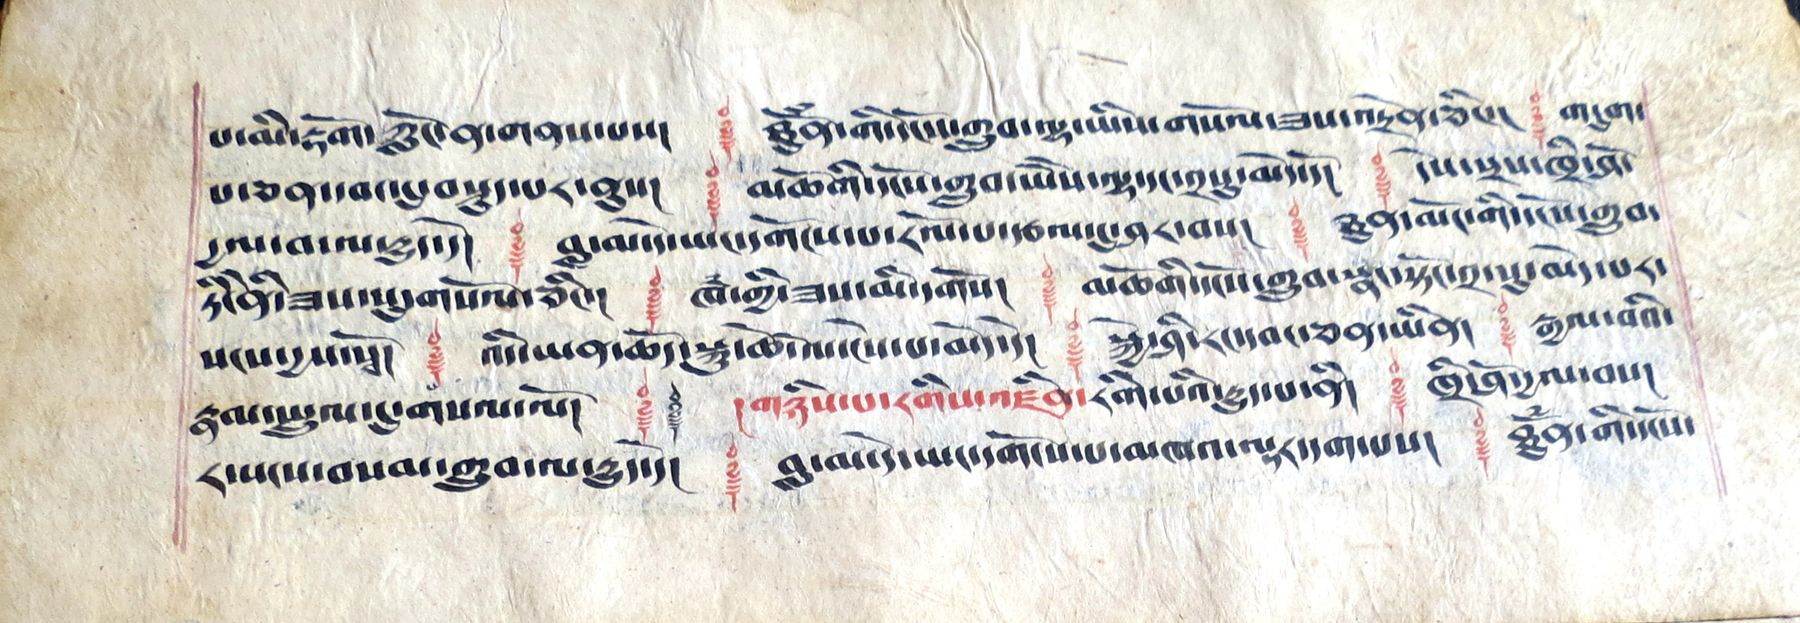པ་མི་རྟོག་ཀློང་ན་གནས་པས། ཐུན་མོང་གི་དངོས་གྲུབ་ལྷས་གསོལ་ཟས་འདྲེན་ཞིང་། གདུག་
པ་ཅན་དབང་དུ་སྡུད་པར་ནུས། མཆོག་གི་དངོས་གྲུབ་ཡེ་ཤེས་ལྷ་དང་གཉིས་སུ་མེད་དོ། ། དེ་ཡིས་སྲས་ཁྲི་ཤོ་
རྒྱལ་བ་ལ་བརྒྱུད་དེ། བླ་མ་དེ་ཡང་དགོངས་པ་རོལ་པ་རྩལ་དུ་ཤར་བས། ཐུན་མོང་གི་དངོས་གྲུབ་
ཏིང་འཛིན་ཟས་སུ་གསོལ་ཞིང་། ཁམས་ཀྱི་ཟས་མི་དགོས། མཆོག་གི་དངོས་གྲུབ་སྣང་སྟོང་གཉིས་སུ་མེད་པར་
སངས་རྒྱས་སོ། ། འདི་ཡན་ཆད་སྐུ་ཚེ་ལ་ངེས་པ་མེད་དེ། སྐྱེ་ཤི་རང་དབང་ཅན་ཡིན། རྒྱལ་བའི་
རྣམ་སྤྲུལ་དུ་གསལ་ལོ། ། གཉིས་པ་ནི་རིག་འཛིན་རིག་པའི་བརྒྱུད་པ་ནི། ཁྲི་ཤོར་རྒྱལ་བས་
ར་སངས་བསམ་གྲུབ་ལ་བརྒྱུད་དེ། བླ་མ་དེ་ཡང་དགོངས་པ་མཁའ་ལྟར་དག་པས། ཐུན་མོང་གི་དངོས་